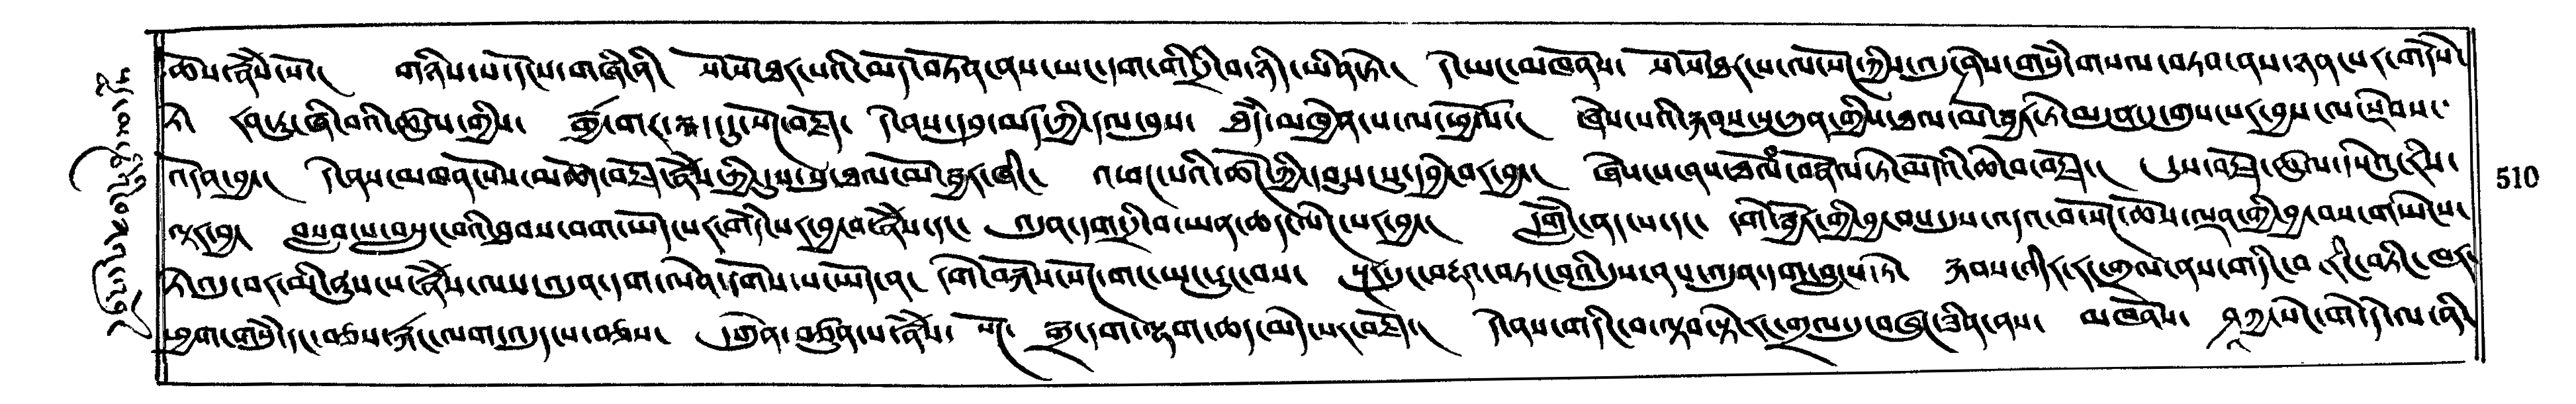ཆོས་རྣམས་སོ། ། གཉིས་པ་དངོས་གཞི་ནི། སོ་སོ་ཐར་པའི་མདོ་བཏོན་ནས་ཡང་དག་གི་དྲི་བ་ཉིད་ཡིན་ཏེ། དེ་ཡང་མཁན་པོས་སོ་སོ་ཐར་པ་ལ་སོགས་ཀྱིས་འདུ་ཤེས་གསུམ་གསལ་བཏབ་ནས་ཉན་པར་གདམས་
ཏེ། རབ་ཏུ་ཞི་བའི་ཚུལ་གྱིས། རྒྱ་གར་སྐད་དུ་སོགས་བརྗོད། དེ་ནས་དབུ་མཛད་ཀྱི་དལ་བུས། ཐམས་ཅད་མཁྱེན་པ་ལ་ཕྱག་འཚལ་ལོ།། ཞེས་པའི་སྐབས་སུ་ཀུན་ཀྱིས་ཐལ་མོ་སྦྱར་ཏེ་མདུན་དུ་གུས་པར་བྱས་ལ་བསྡེབ་
འདོན་བྱ།དེ་ནས་མཁན་པོས་མཆོད་བརྗོད་རྣམས་ཀྱི་དུས་སུ་ཐལ་མོ་སྦྱར་ཞིང་། འཕགས་པའི་ཚོགས་ཀྱི་དབུས་སུ་དབྱེ་བར་བྱ། ཞེས་པ་ནས་ཐལ་མོ་བསྣོལ་ཏེ་མདོའི་ཆེ་བ་བརྗོད། དུས་བརྗོད་ཚུལ་དཔེའུ་རིས་
ལྟར་བྱ། བསླབ་པ་བསྲུང་བའི་ཐབས་བག་ཡོད་པར་གདམས་པར་བྱ་བ་རྣམས་དང་། འདུན་དག་དྲི་བ་ཡན་ཆད་ལེགས་པར་བྱ། དགེ་སློང་ནད་པ་དང་། དགེ་སྦྱོར་གྱི་བྱ་བས་དུས་འདའ་བ་སོགས་ཆོས་ལྡན་གྱི་བྱ་བས་གཡེངས་
ཏེ་འདུ་བར་མི་ནུས་པ་རྣམས་ལས་འདུན་པ་ལེན་དགོས་པ་ཡོད་ན། དགེ་སྐོས་སོགས་གང་ཡང་རུང་བས། སྔར་དུང་བརྡའ་བཏང་བའི་དུས་ནས་འདུན་པ་བླངས་ཏེ། སྐབས་འདིར་རང་གྲལ་ནས་གདིང་བ་རིང་བཏིང་ཁར་
ཕྱག་གསུམ་དང་རྐང་ལག་འདུད་པ་བཅས། དགེ་འདུན་བཙུན་པ་རྣམས༴ སོགས། སྒྲ་དག་ལྷག་ཆད་མེད་པར་བརྗོད། དེ་ནས་གདིང་བ་བལྟབ་སྟེ་རང་གྲལ་དུ་བཞུགས་ཟིན་ནས། མཁན་པོས། ཤཱཀྱ་སེང་གེ་དེ་ལ་ནི༴